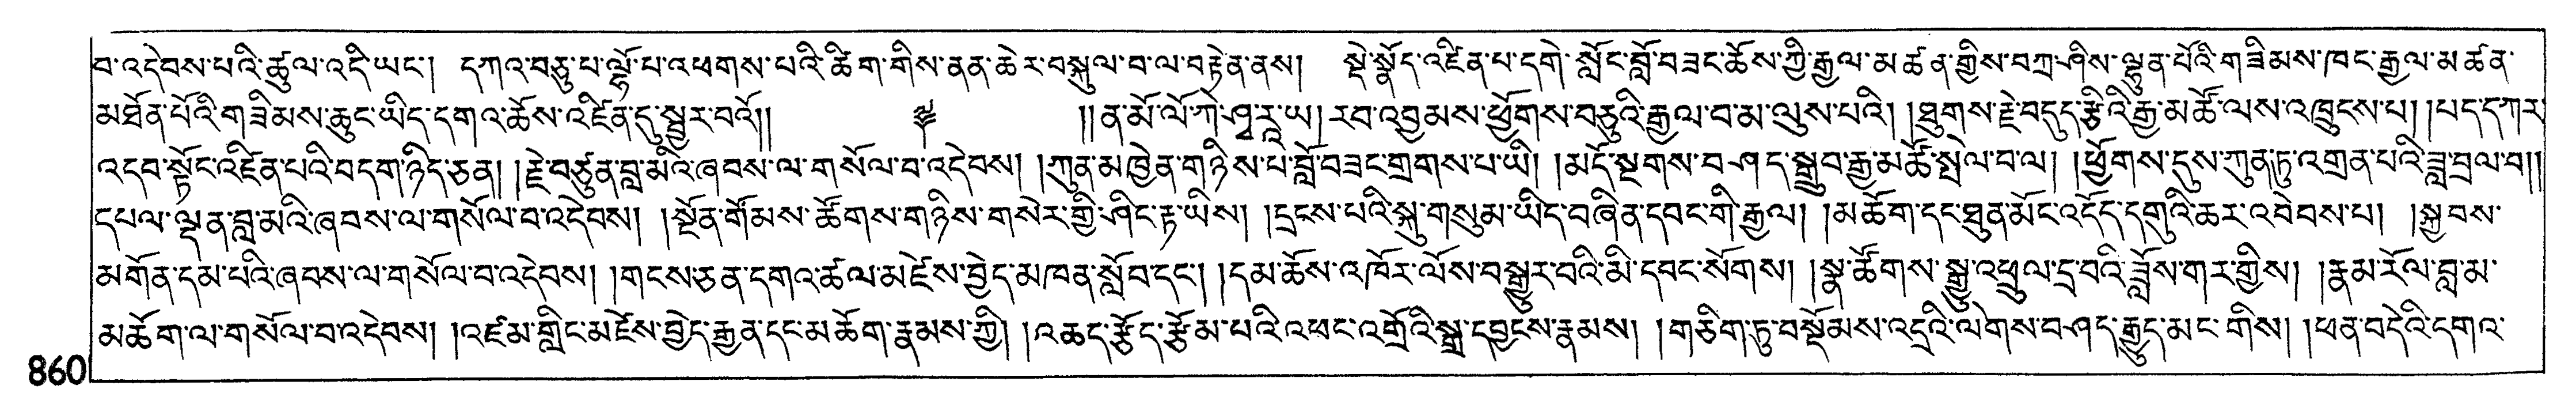བ་འདེབས་པའི་ཚུལ་འདི་ཡང་། དཀའ་བཅུ་པ་ལྷོ་པ་འཕགས་པའི་ཚིག་གིས་ནན་ཆེར་བསྐུལ་བ་ལ་བརྟེན་ནས། སྡེ་སྣོད་འཛིན་པ་དགེ་སློང་བློ་བཟང་ཆོས་ཀྱི་རྒྱལ་མཚན་གྱིས་བཀྲ་ཤིས་ལྷུན་པོའི་གཟིམས་ཁང་རྒྱལ་མཚན་
མཐོན་པོའི་གཟིམས་ཆུང་ཡིད་དགའ་ཆོས་འཛིན་དུ་སྦྱར་བའོ།། ༈ །།ན་མོ་ལོ་ཀེ་ཤྭ་རཱ་ཡ། རབ་འབྱམས་ཕྱོགས་བཅུའི་རྒྱལ་བ་མ་ལུས་པའི། །ཐུགས་རྗེ་བདུད་རྩིའི་རྒྱ་མཚོ་ལས་འཁྲུངས་པ། །པད་དཀར་
འདབ་སྟོང་འཛིན་པའི་བདག་ཉིད་ཅན། །རྗེ་བཙུན་བླ་མའི་ཞབས་ལ་གསོལ་བ་འདེབས། །ཀུན་མཁྱེན་གཉིས་པ་བློ་བཟང་གྲགས་པ་ཡི། །མདོ་སྔགས་བཤད་སྒྲུབ་རྒྱ་མཚོ་སྤེལ་བ་ལ། །ཕྱོགས་དུས་ཀུན་ཏུ་འགྲན་པའི་ཟླ་བྲལ་བ། །
དཔལ་ལྡན་བླ་མའི་ཞབས་ལ་གསོལ་བ་འདེབས། །སྔོན་གོམས་ཚོགས་གཉིས་གསེར་གྱི་ཤིང་རྟ་ཡིས། །དྲངས་པའི་སྐུ་གསུམ་ཡིད་བཞིན་དབང་གི་རྒྱལ། །མཆོག་དང་ཐུན་མོང་འདོད་དགུའི་ཆར་འབེབས་པ། །སྐྱབས་
མགོན་དམ་པའི་ཞབས་ལ་གསོལ་བ་འདེབས། །གངས་ཅན་དགའ་ཚལ་མཛེས་བྱེད་མཁན་སློབ་དང་། །དམ་ཆོས་འཁོར་ལོས་བསྒྱུར་བའི་མི་དབང་སོགས། །སྣ་ཚོགས་སྒྱུ་འཕྲུལ་དྲ་བའི་ཟློས་གར་གྱིས། །རྣམ་རོལ་བླ་མ་
མཆོག་ལ་གསོལ་བ་འདེབས། །འཛམ་གླིང་མཛེས་བྱེད་རྒྱན་དང་མཆོག་རྣམས་ཀྱི། །འཆད་རྩོད་རྩོམ་པའི་འཕང་འགྲོའི་སྒྲ་དབྱངས་རྣམས། །གཅིག་ཏུ་བསྡོམས་འདྲའི་ལེགས་བཤད་རྒྱུད་མང་གིས། །ཕན་བདེའི་དགའ་